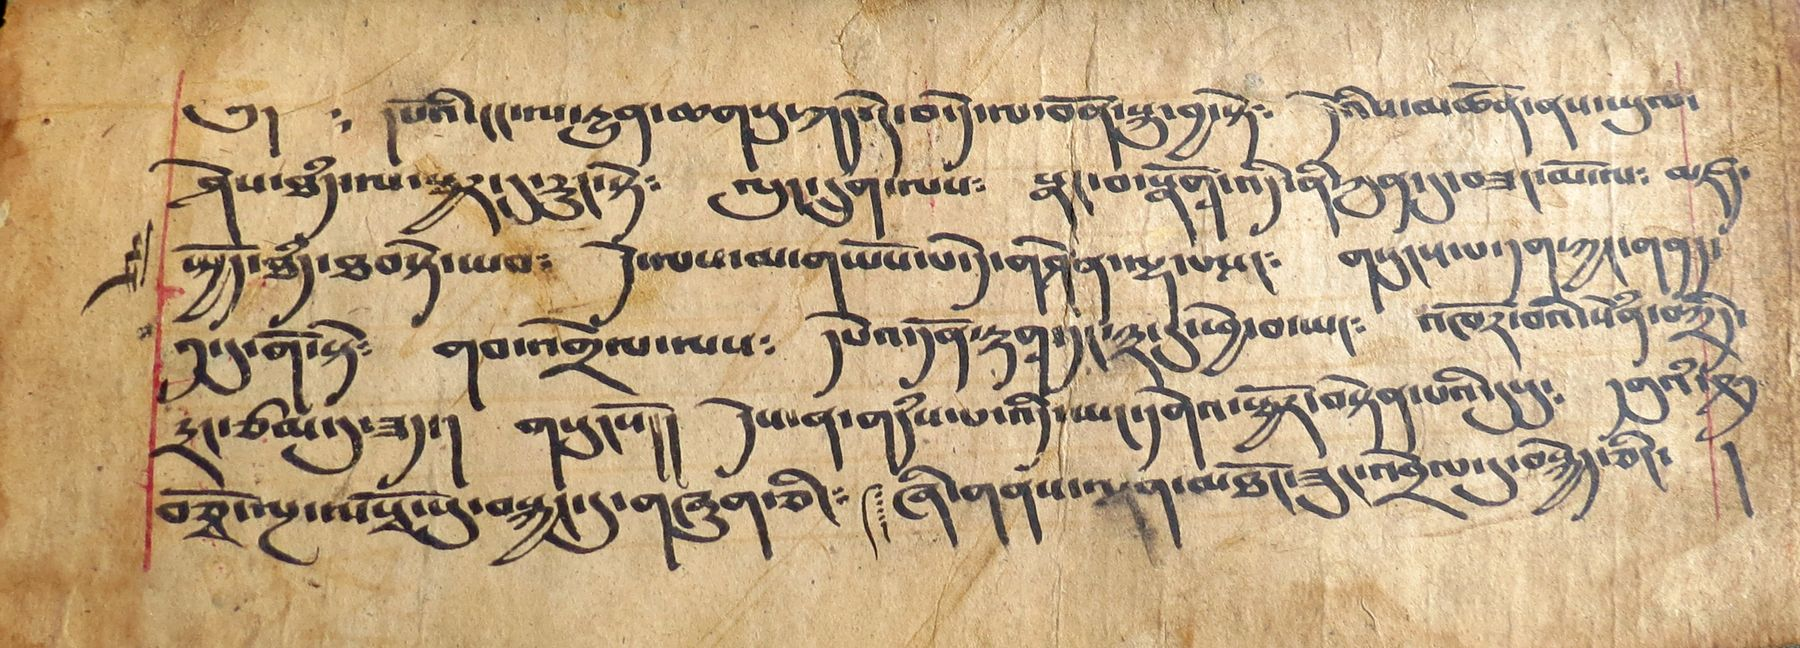པོའི་ངང་ལས་རྒྱུན་ཆགས་སུ་ཀད་དེ་བ་དེ་ལ། བོན་སྐུ་བྱ་སྟེ། དེ་ཡིས་མཚོན་ནས་ཡུལ་
ཤེས་ཐམས་ཅད་ལ་སྦྱར་དུ་རུང་སྟེ། ལུང་དྲུག་ལས། སྣང་བ་སྣ་ཚོགས་འདི་ནི་ཀུན་ཏུ་བཟང་མོ་ལ། མཛད་
སྤྱོད་ཐམས་ཅད་ཐབས་ཏེ་ཡབ། དེ་ལས་མ་གཡོས་པ་དེ་གཤེན་ལྷ་ཨང་། གསུངས་པ་དག་དང་གནད་
གཅིག་ཏུ་གོ་སྟེ། འགྲེལ་བ་ལས། དཔེ་དོན་རྟགས་དང་གསུམ་དུ་ཕྱེ་བ་ཡང་། འཁོར་བའི་སེམས་ཅན་བཀྲི་
དྲང་ཙམ་དུ་ཟད་གསུངས་སོ། དེས་ན་གདམས་པ་འདིའང་། དགེ་སྦྱོར་སྟོན་པའི་སྐབས་སུ་དགུའམ། 
བཅུ་གཅིག་བཅོ་ལྔ་ལ་སོགས་སུ་བསྐྱང་དུ་གཞུག་ཅིང་། ཞི་གནས་ལྷག་མཐོང་ཟུང་འབྲེལ་དུ་བསྐྱེད་ཅིང་